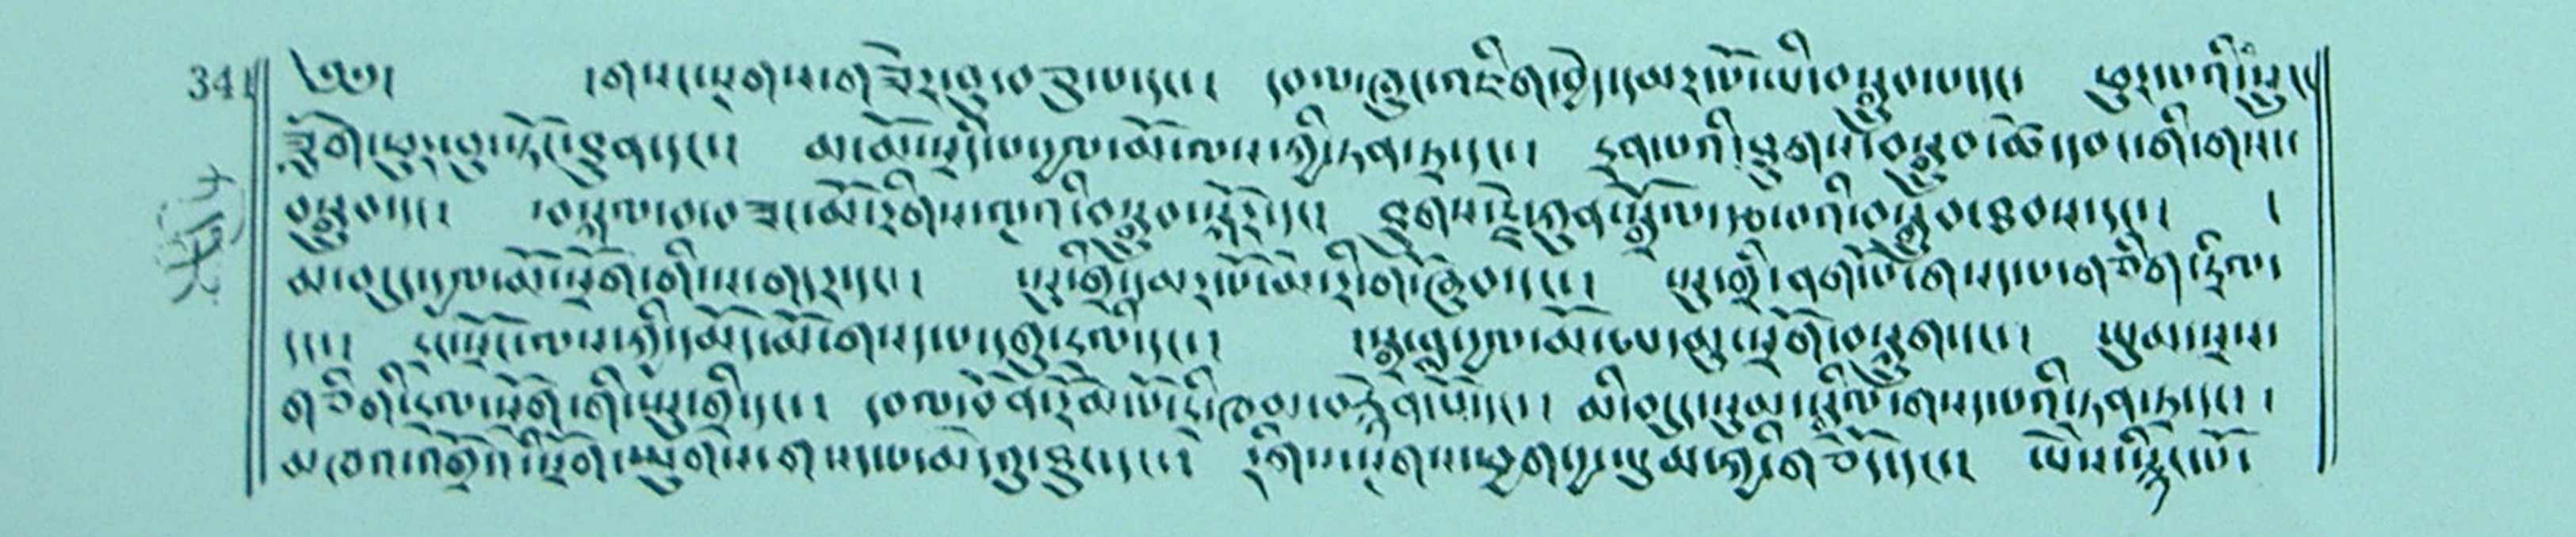༄༅། །གསང་སྔགས་གཟེར་བུ་བཅུ་པ་དང་། དབལ་ཁྱུང་འཇིགས་བྱེད་དམར་པོ་ཡི་བསྒྲུབ་པ་དང་། ཕུར་བའི་བསྲུང་
བཟློག་ཕུར་བུ་སྟོང་ཐུན་དང་། མ་མོ་སྲིད་པ་རྒྱལ་མོའི་ལས་ཀྱི་ཏན་ཏྲ་དང་། དྲན་པའི་ཐུགས་བསྒྲུབ་ཚེ་དབང་གསང་
བསྒྲུབ་དང་། བསྐལ་པ་བཟང་མོ་རིགས་ལྔའི་བསྒྲུབ་སྐོར་དང་། ཐུགས་རྗེ་ཀུན་སྒྲོལ་རྩ་བའི་སྒྲུབ་ཐབས་དང་། 
མ་བདུད་རྒྱལ་མོ་སྲོག་གི་ས་གདར་དང་། སྤུ་གྲི་དམར་པོ་མེ་རི་གོ་ཞུབ་དང་། སྤུ་གྲི་ནག་པོ་གསད་པ་གཅིག་དྲིལ་
དང་། དྲང་སྲོང་ལས་ཀྱི་དམོད་མོ་གསད་པ་དགུ་དྲིལ་དང་། སྒྲ་བླའི་རྒྱལ་མོ་ཨ་མུ་སྲོག་སྒྲུབ་དང་། ཡུམ་སྲས་
གཅིག་དྲིལ་སྲོག་གི་སྤུ་གྲི་དང་། དབལ་བོན་རོམ་པོ་དྲི་ཁམས་བསྙེན་པོ་དང་། མི་བདུད་གསུམ་བསྒྲིལ་གསད་པའི་ཏན་ཏྲ་དང་། 
མཁའ་འགྲོ་སྲོག་ཡུགས་གསད་པ་མདེའུ་ཐུང་དང་། རིགས་སྔགས་ཕྱག་རྒྱ་ཡུམ་གྱི་གཅོད་དང་། ཡེ་ཤེས་སྙིང་པོ་